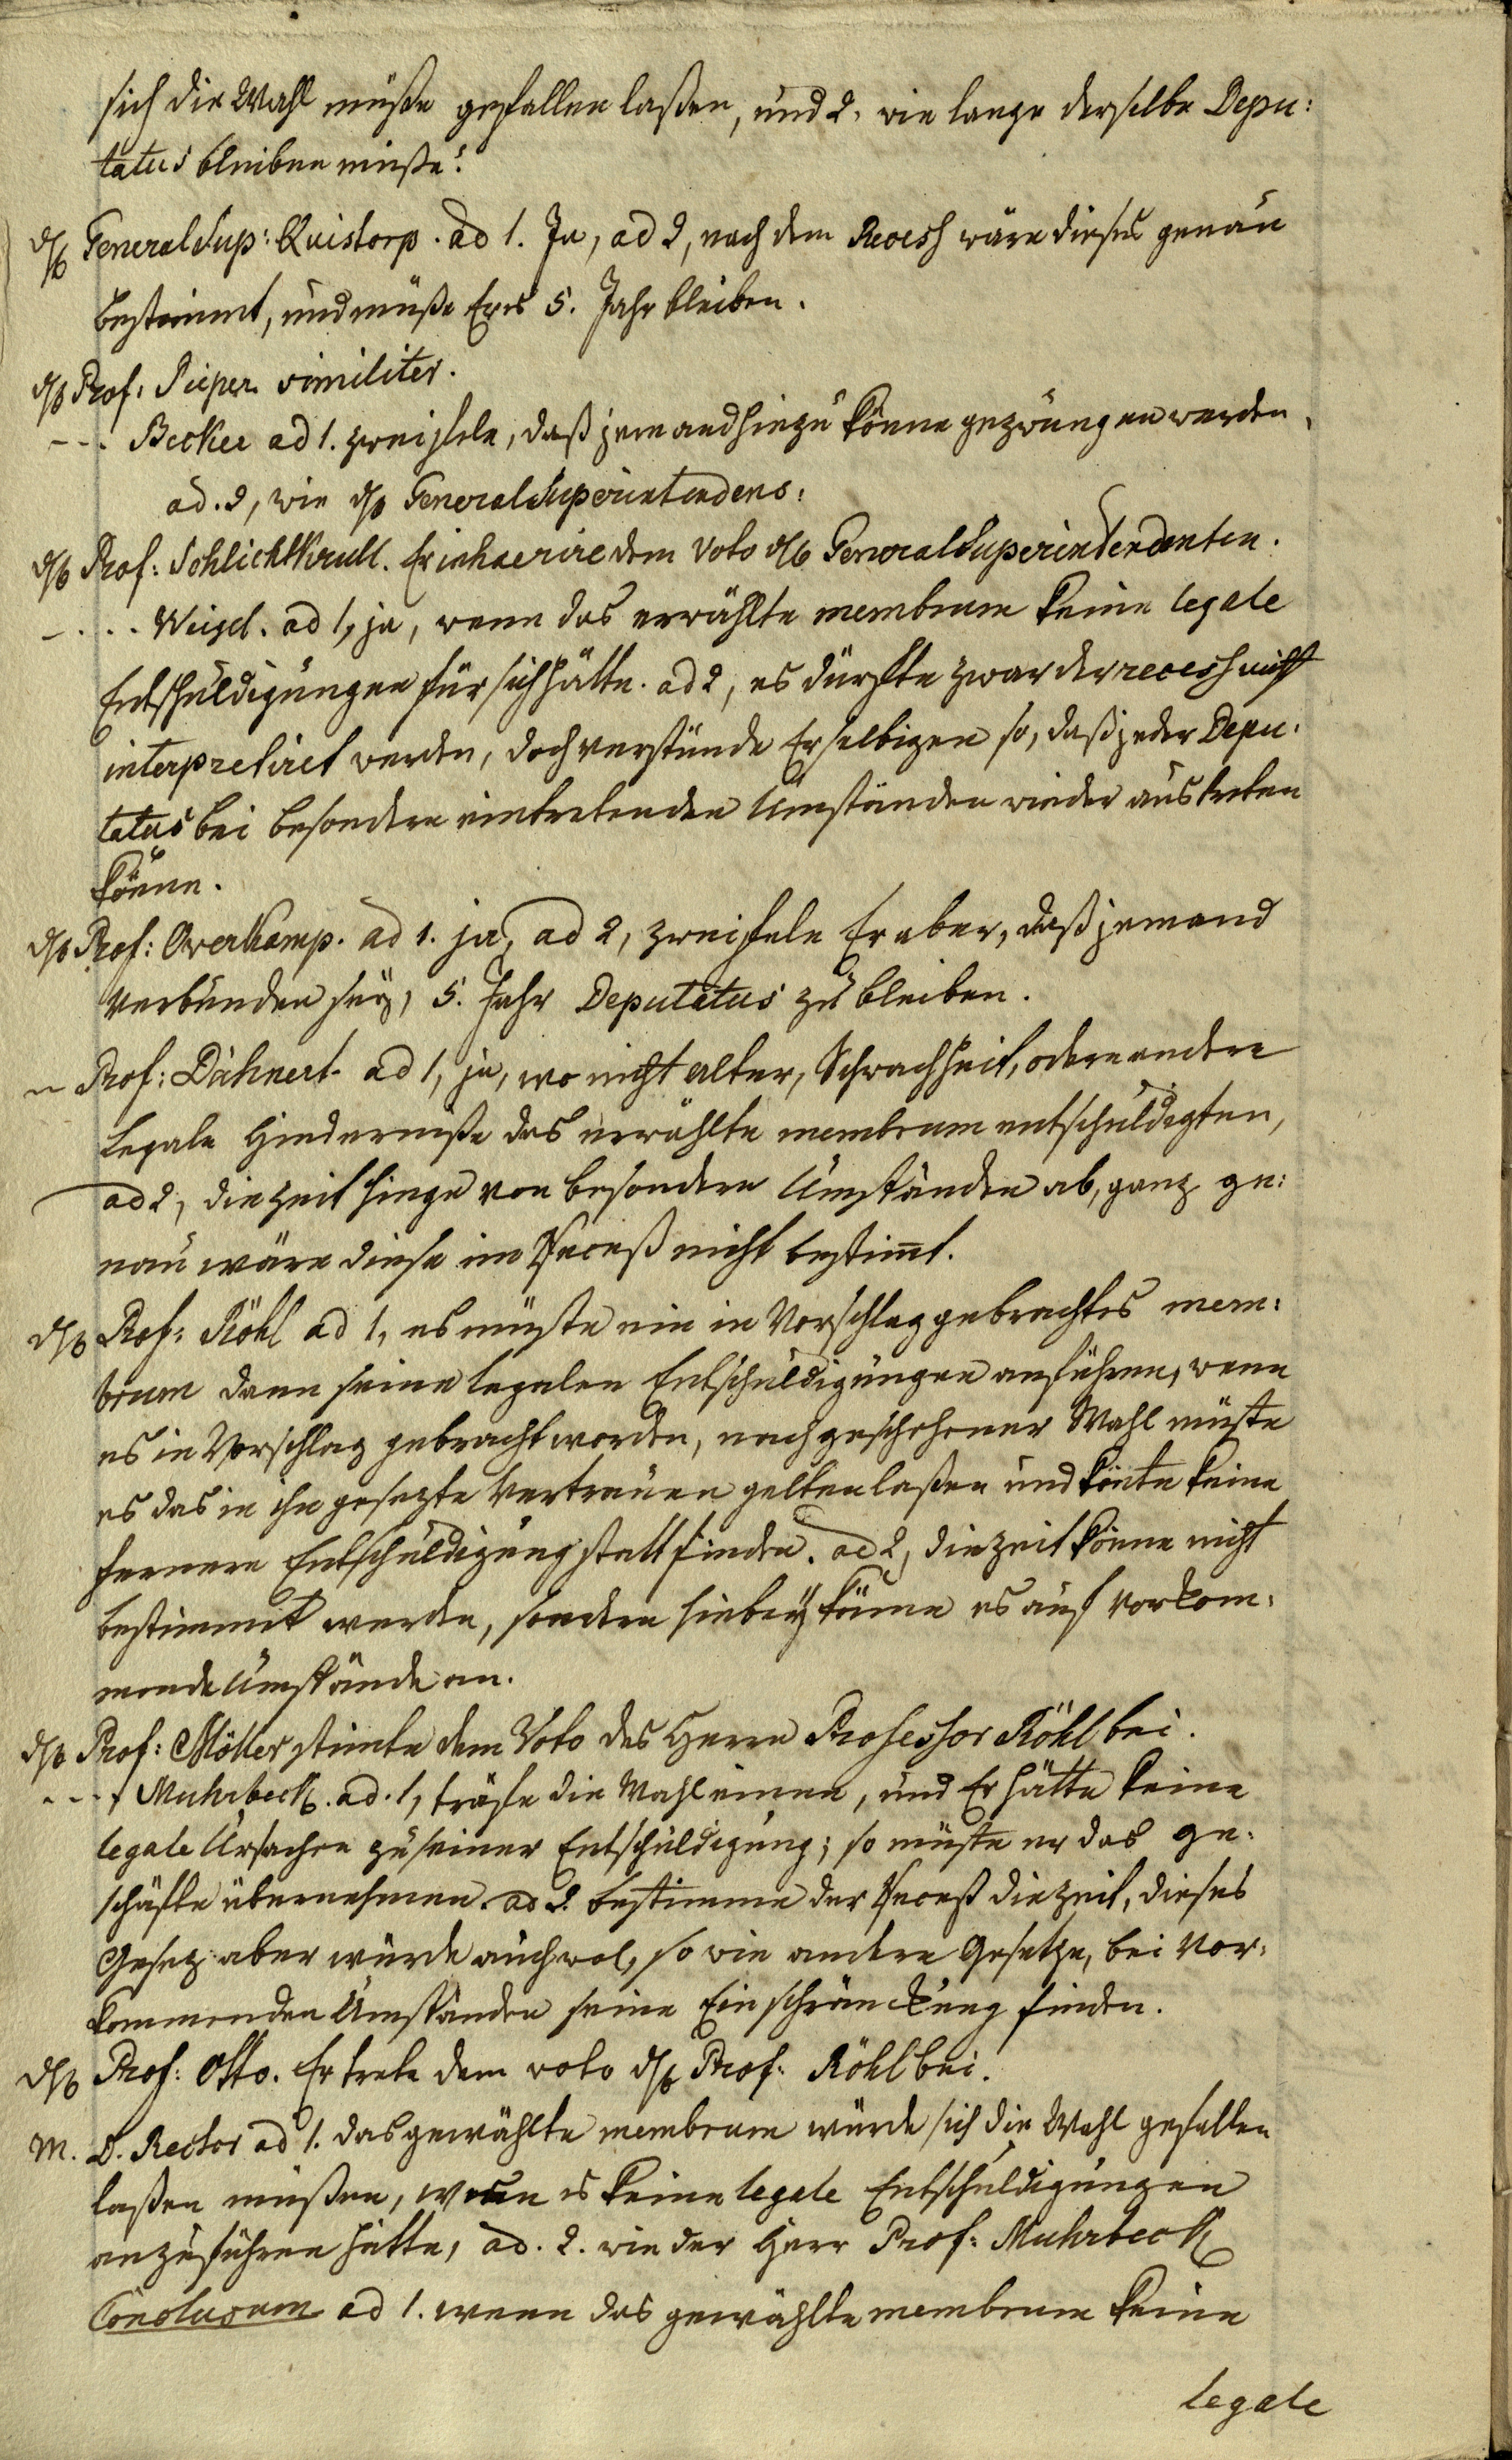sich die Wahl müße gefallen laßen, und 2. wie lange derselbe Depu¬¬
tatus bleiben müße?
dh GeneralSup. Quistorp ad 1. Ja, ad 2, nach dem Recess wäre dieses genau
bestimmt, und müße Er 5. Jahr bleiben.
dh Prof. Pieper similiter.
Becker ad 1. zweifele, daß jemand hiezu könne gezwungen werden,
ad 2, wie dh GeneralSuperintendens
dh Prof. Schlichtkrull. Er inhaerire dem voto dh. GeneralSuperintendenten.
Weigel. ad 1, ja, wenn das erwählte membrum keine legale
Ertschuldigungen für sich hätte. ad 2, es dürfte zwar der recess nicht
interpretiret werden, doch verstünde Er selbigen so, daß jeder Depu¬
tatus bei besondern eintretenden Umständen wieder austreten
könne.
dh Prof. Overkamp an 1. ad 2, zweifele Er aber, daß jemand
verbunden seÿ, 5. Jahr Deputatus zu bleiben.
Prof. Dähnert. ad 1, ja, wo nicht Alter Schwachheit, oder andere
Legale Hinderniße das erwählte membrum entschuldigten,
ad 2, die Zeit hinge von besondern Umständen ab, ganz ge¬
nau wäre diese im Receß nicht bestimt.
dh Prof. Röhl. ad. 1. es müßte ein in Vorschlag gebrachtes mem¬
brum dann seine legalen Entschuldigungen anführen, wenn
es in Vorschlag gebracht worden, nach geschehener Wahl müßte
es das in ihn gesezte Vertrauen geltenlaßen und könte keine
fernere Entschuldigung statt finden. ad 2, die Zeit könne nicht
bestimmet werden, sondern hiebeÿ käme es auf vorkom¬
mende Umstände an.
dh Prof. Möller stimte dem Voto des Herrn Professor Röhl bei.
Muhrbeck. ad 1, träfe die Wahl einen, und Er hätte keine
legale Ursachen zu seiner Entschuldigung, so müste er das Ge¬
schäfte übernehmen. ad. 2. bestimme der Receß die Zeit, dieses
Gesez aber würde auch wol, so wie andere Gesetze, bei vor¬
kommenden Umständen seine Einschränckung finden.
dh Prof. Otto. Er trete dem voto dh Prof. Röhl bei.
M. D. Rector ad 1. das gewählte membrum würde sich die Wahl gefallen
laßen müßen, wenn es keine legale Entschuldigungen
anzuführen hätte, ad 2. wie der Herr Prof. Muhrbeck
Conclusum ad 1. wenn das gewählte membrum keine
legale